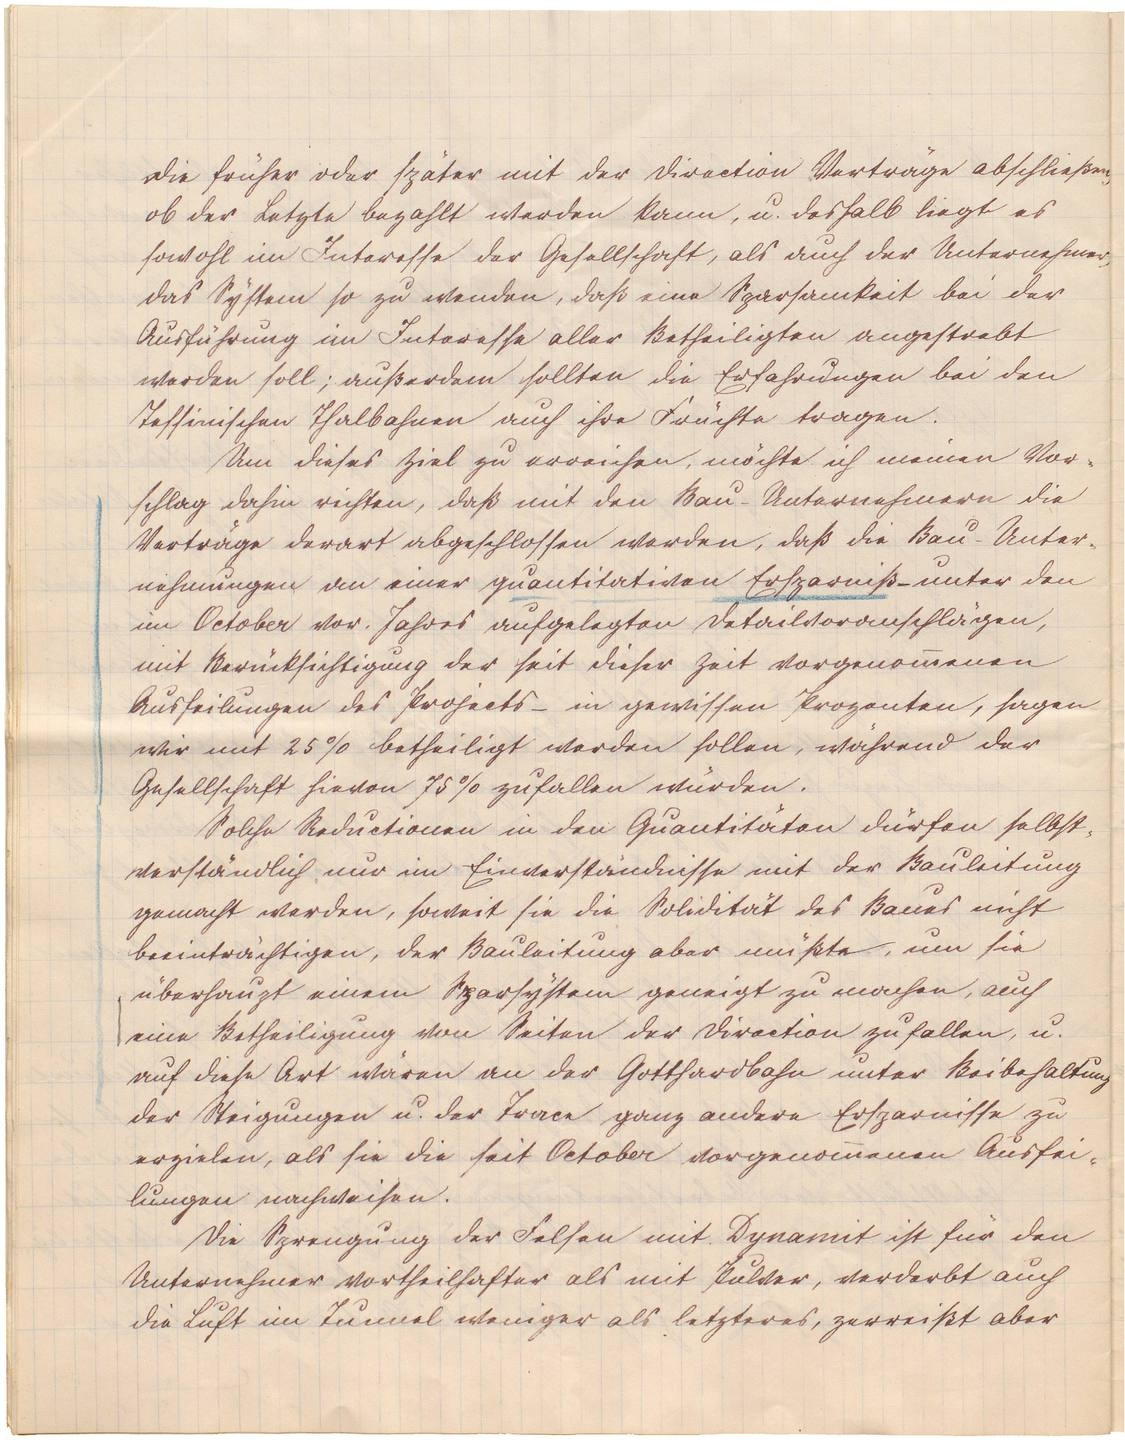die früher oder später mit der Direction Verträge abschließen,
ob der Letzte bezahlt werden kann, u. deshalb liegt es
sowohl im Interesse der Gesellschaft, als auch der Unternehmer
das System so zu werden, daß eine Sparsamkeit bei der
Ausführung im Interesse aller Betheiligten angestrebt
werden soll; außerdem sollten die Erfahrungen bei den
Tessinischen Thalbahnen auch ihre Früchte tragen.
Um dieses Ziel zu erreichen, möchte ich meinen Vor-
schlag dahin richten, daß mit den Bau-Unternehmern die
Verträge derart abgeschlossen werden, daß die Bau-Unter-
nehmungen an einer quantitativen Ersparniß – unter den
im October vor. Jahres aufgelegten Detailvoranschlägen,
mit Berücksichtigung der seit dieser Zeit vorgenommenen
Ausfeilungen des Projects – in gewissen Prozenten, sagen
wir mit 25% betheiligt werden sollen, während der
Gesellschaft hievon 75% zufallen würden.
Solche Reductionen in den Quantitäten dürfen selbst-
verständlich nur im Einverständnisse mit der Bauleitung
gemacht werden, soweit sie die Solidität des Baues nicht
beeinträchtigen, der Bauleitung aber müßte, um sie
überhaupt einem Sparsystem geneigt zu machen, auch
eine Betheiligung von Seiten der Direction zu fallen, u.
auf diese Art wären an der Gotthardbahn unter Beibehaltung
der Steigungen u. der Trace ganz andere Ersparnisse zu
erzielen, als sie die seit October vorgenommenen Ausfei-
lungen nachweisen.
Die Sprengung der Felsen mit Dynamit ist für den
Unternehmer vortheilhafter als mit Pulver, verderbt auch
die Luft im Tunnel weniger als letzteres, zerreißt aber